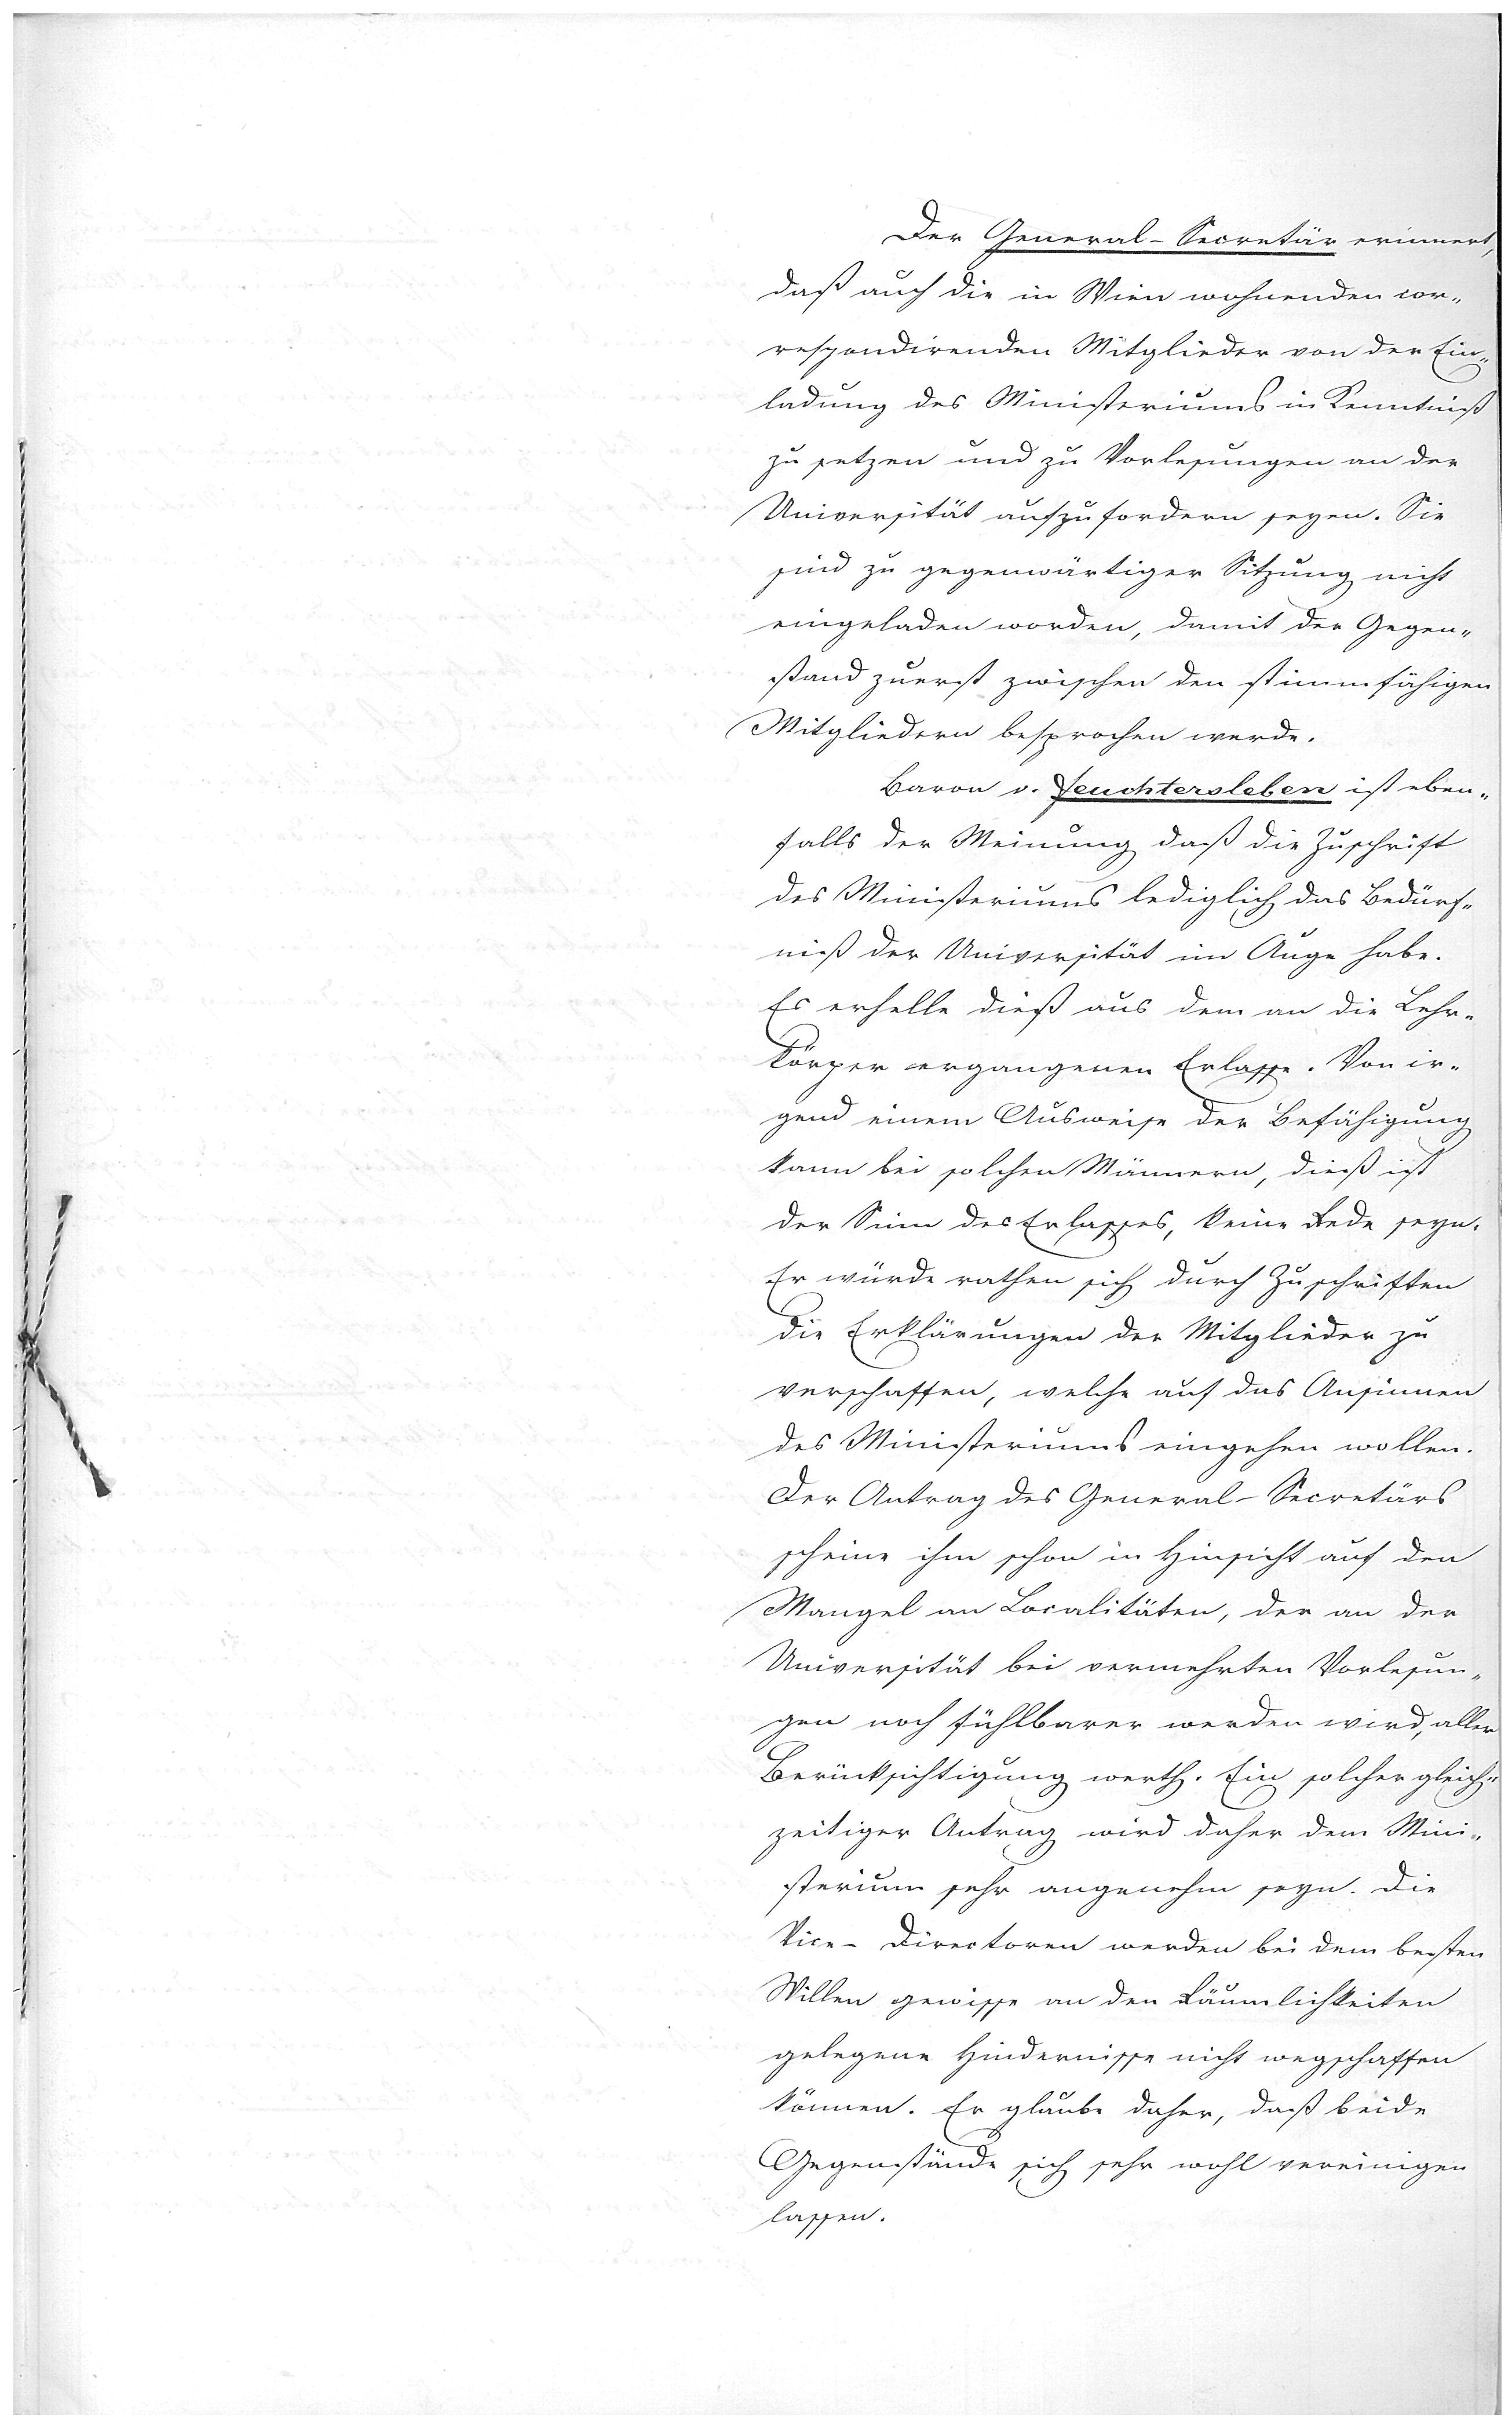Der General-Secretär erinnert,
daß auch die in Wien wohnhaften cor-
respondirenden Mitglieder von der Ein-
ladung des Ministeriums in Kenntniß
zu setzen und zu Vorlesungen an der
Universität aufzufordern seyen. Sie
und zu gegenwärtigen Sitzung nicht
eingeladen worden, damit der Gegen-
stand zuerst zwischen den stimmfähigen
Mitgliedern besprochen werde.
Baron v. Feuchtersleben ist eben-
falls der Meinung daß die Zuschrift
des Ministeriums lediglich das Bedürf-
niß der Universität im Auge habe.
Es erhelle dieß aus dem an die Lehr-
körper ergangenen Erlasse. Von ir-
gend einem Ausweise der Befähigung
kann bei solchen Männern, dieß ist
der Sinn des Erlasses, keine Rede seyn.
Er würde rathen sich durch Zuschriften
die Erklärungen der Mitglieder zu
verschaffen, welche auf das Ansinnen
des Ministeriums eingehen wollen.
Der Antrag des General-Secretärs
scheine ihm schon in Hinsicht auf den
Mangel an Localitäten, der an der
Universität bei vermehrten Vorlesun-
gen noch fühlbarer werden wird, aller
Berücksichtigung werth. Ein solcher gleich-
zeitiger Antrag wird daher dem Mini-
sterium sehr angenehm seyn. Die
Vice-Directoren werden bei dem besten
Willen gewisse an den Räumlichkeiten
gelegene Hindernisse nicht wegschaffen
können. Er glaube daher, daß beide
Gegenstände sich sehr wohl vereinigen
lassen.